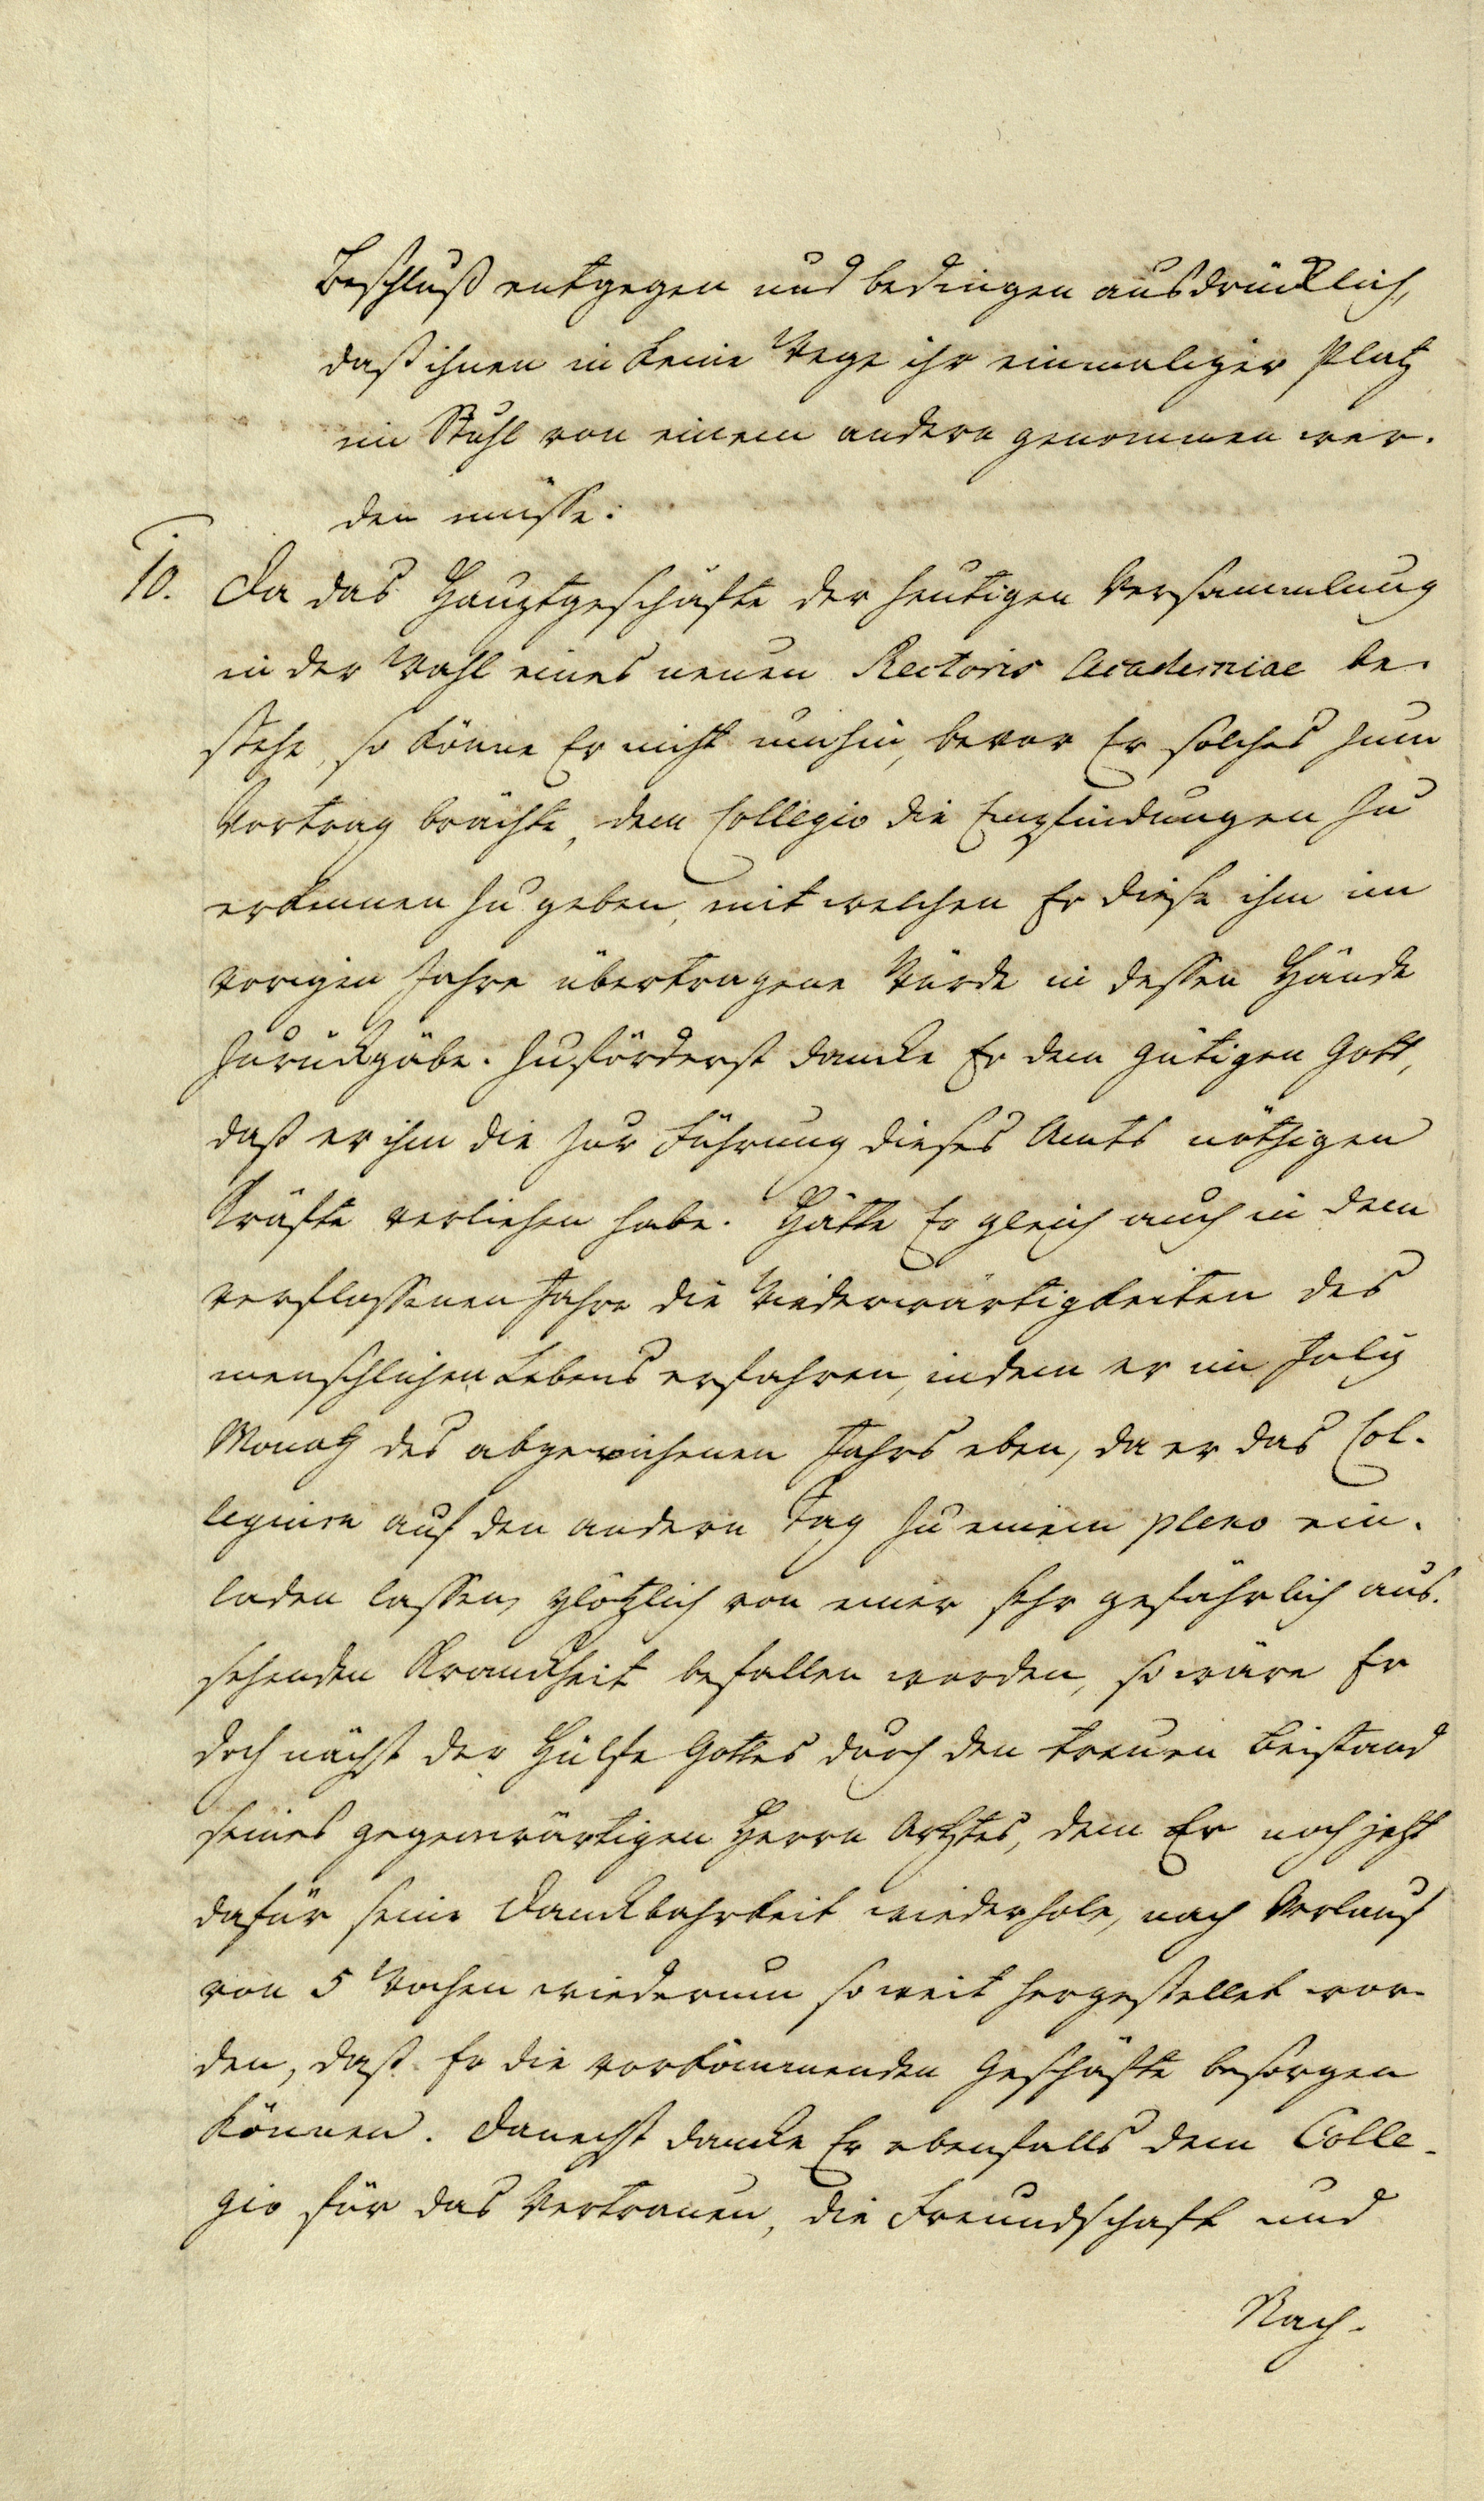Beschluß entgegen und bedingen ausdrücklich,
daß ihnen in keine Wege ihr einmaliger Platz
ein Stuhl von einem andern genommen wer¬
den müsse.
10. Da das Hauptgeschäfte der heutigen Versammlung
in der Wahl eines neuen Rectoris Academiae be¬
stehe, so könne Er nicht umhin, bevor Er solches zum
Vortrag brächte, dem Collegio die Empfindungen zu
erkennen zu geben, mit welchen Er diese ihm im
vorigen Jahre übertragene Würde in dessen Hände
zurückgäbe. Zuförderst dancke Er dem gütigen Gott,
daß er ihm die zur Führung dieses Amts nöthigen
Kräfte verliehen habe. Hätten Er gleich auch in dem
verflossenen Jahre die Wiederwärtigkeiten des
menschlichen Lebens erfahren, indem er im Julÿ
Monath des abgewichenen Jahrs eben, da er das Col¬
legium auf den andern Tag zu einem pleno ein¬
laden lassen, plötzlich von einer sehr gefährlich aus¬
sehenden Kranckheit befallen worden, so wäre Er
doch nächst der Hülfe Gottes durch den treuen Beistand
seines gegenwärtigen Herrn Arztes, dem Er noch jetzt
dafür seine Danckbahrkeit wiederhole, nach Verlauf
von 5 Wochen wiederum so weit hergestellet wor¬
den, daß Er die vorkommenden Geschäfte besorgen
können. Danechst dancke Er ebenfalls dem Colle¬
gio für das Vertrauen, die Freundschaft und
Nach.